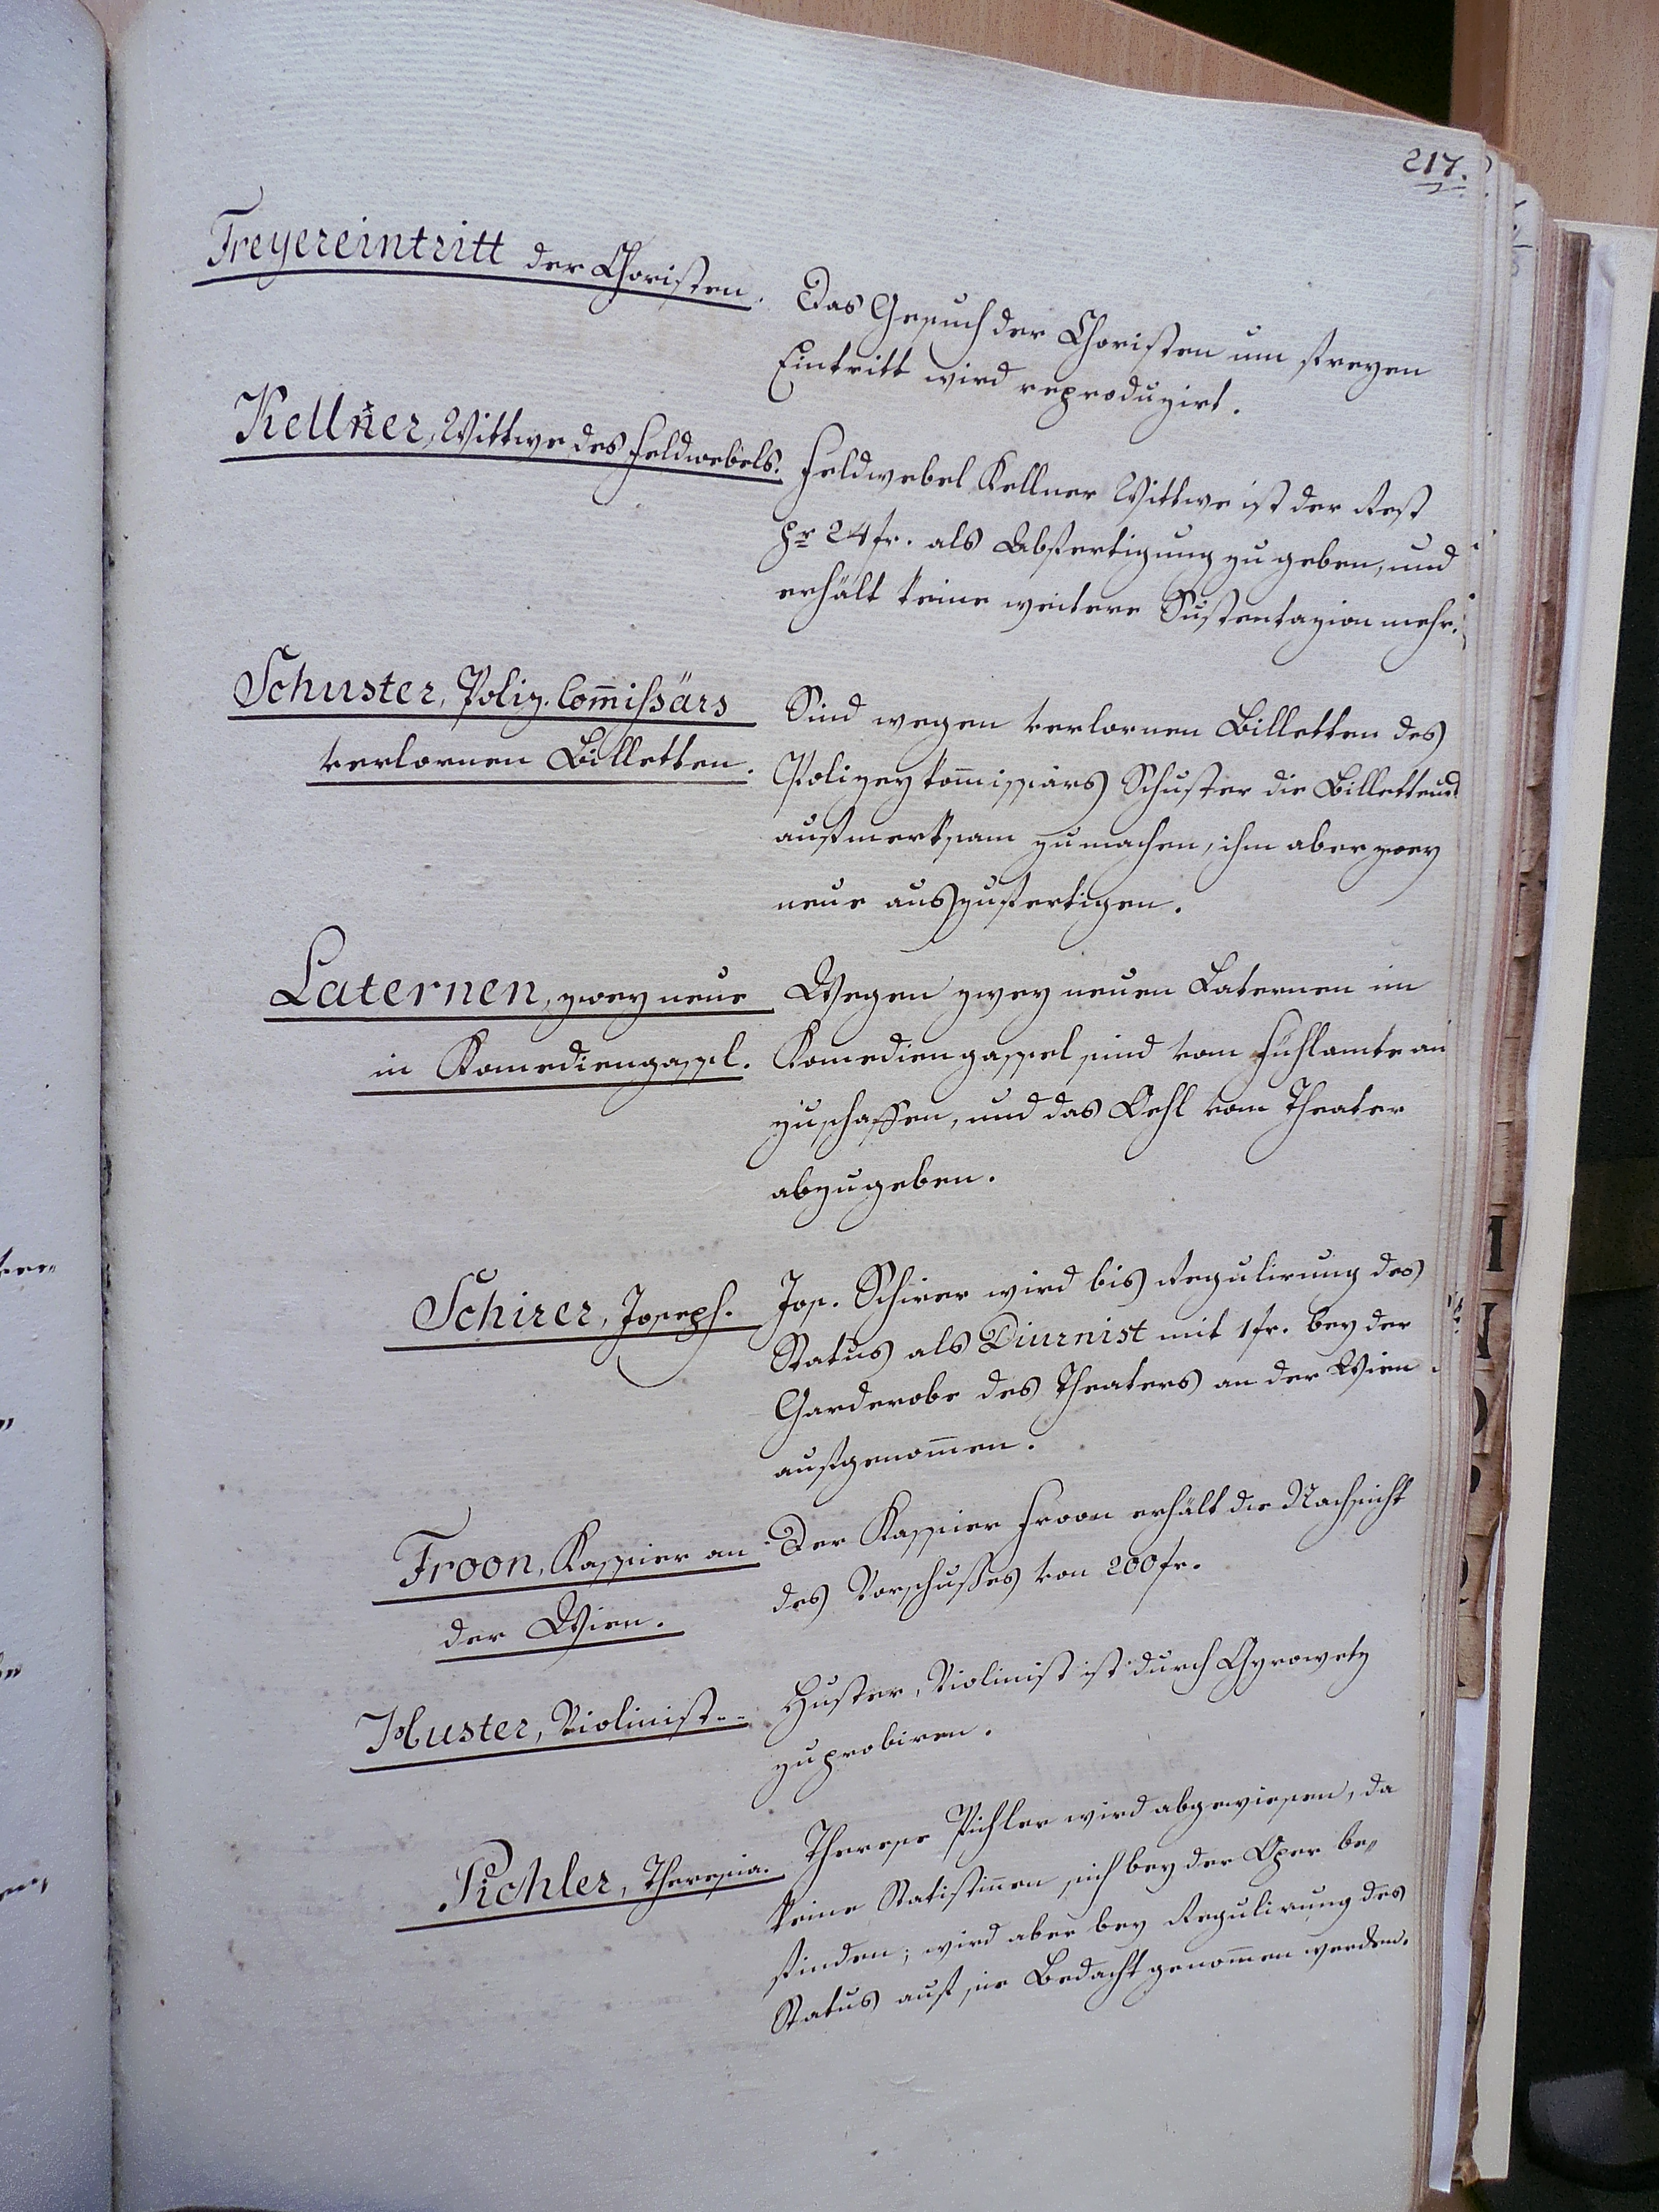217.
Freyereintritt der Choristen. Das Gesuch der Choristen um freyen
Eintritt wird reproduzirt.
Kellner, Wittwe des Feldwebels. Feldwebel Kellner Wittwe ist der Rest
pr͇ 24fr. als Abfertigung zu geben, und
erhält keine weitere Sustentazion mehr.
Schuster, Poliz. Com̅issärs
verlornen Billetten.
Sind wegen verlornen Billetten des
Polizeykom̅issärs Schuster die Billetteur
aufmerksam zu machen, ihm aber zwey
neue auszufertigen.
Laternen, zwey neue
in Komediengassl.
Wegen zwey neuen Laternen im
Komediengassel sind vom Füllamte an¬
zuschaffen, und das Oehl von Theater
abzugeben.
Schirer, Joseph. Jos. Schier wird bis Regulirung des
Status als Diurnist mit 1fr. bey der
Garderobe des Theaters an der Wien
aufgenom̅en.
Froon, Kassier an
der Wien.
Der Kassier Froon erhält die Nachsicht
des Vorschußes von 200fr.
Huster, Violinist .. .. Huster, Violinist ist durch Gyrowetz
zuprobiren.
Pichler, Theresia. Therese Pichler wird abgewiesen, da
keine Statistin̅en sich bey der Oper be¬
finden; wird aber bey Regulirung des
Status auf sie Bedacht genom̅en werden.